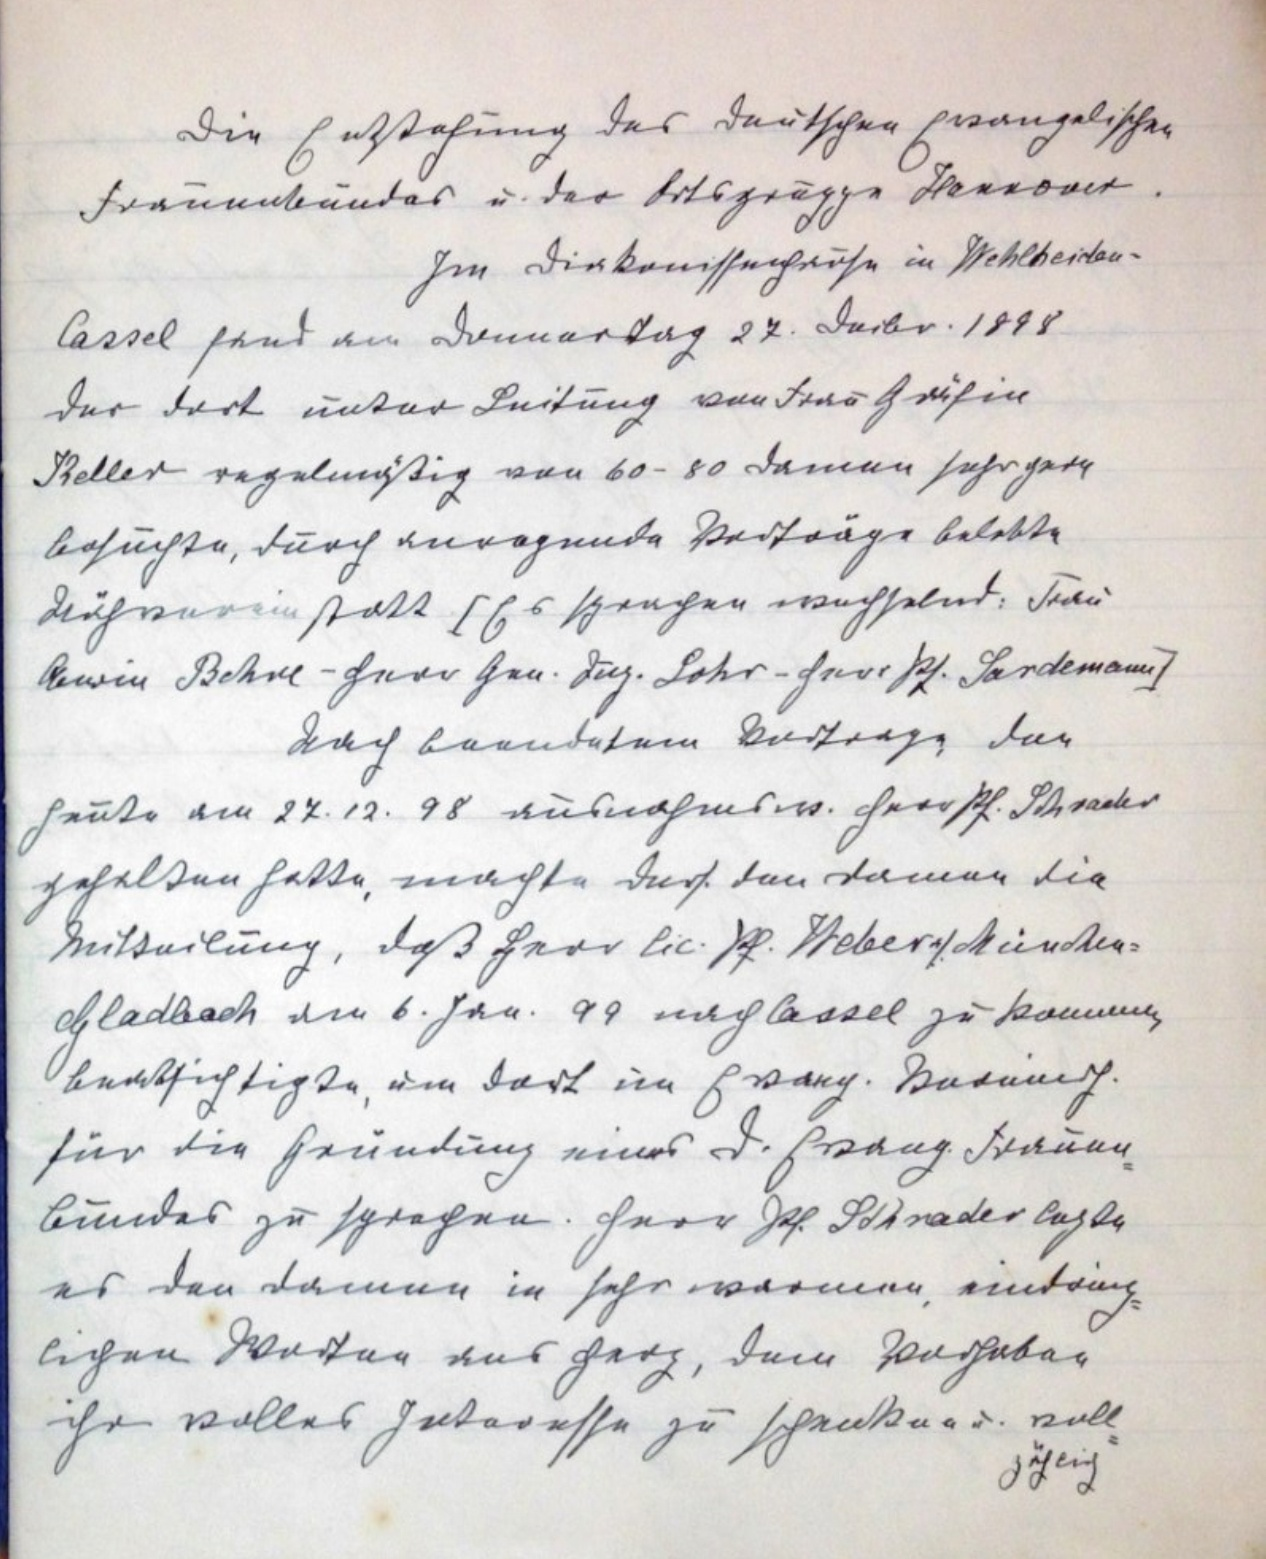Die Entstehung des Deutschen Evangelischen
Frauenbundes u. der Ortsgruppe Hannover
Im Diakonissenhause in Wehlheiden-
Cassel fand am Donnerstag 27. Debr. 1898
der dort unter der Leitung von Frau Gräfin
regelmäßig von 60-80 Damen sehr gern
besuchte durch anregende Vorträge belebte
[Es sprachen wechselnd: Frau
Oberin Behre, Herr Gen. Sup.Lohr - Herr Pf. Sardemann]
Nach beendetem Vortrage der
heute am 27.12.98 ausnahmsw. Herr Pfr. Schrader
Schrader gehalten hatte, machte derf. den Damen die
, daß Herr Lic. Pf. Weber München-
Gladbach am 6. Jan. 99 nach Cassel zu kommen
beabsichtigte, um dort im Evang. Vereinsh.
für die Gründung eines D. Evang. Frauen
bundes zu sprechen. Herr Pfarrer Schrader legte
es den Damen in sehr warmen, eindring
lichen Worten ans Herz, dem Vorhaben
ihr volles Interesse zu schenken u. voll
zählig